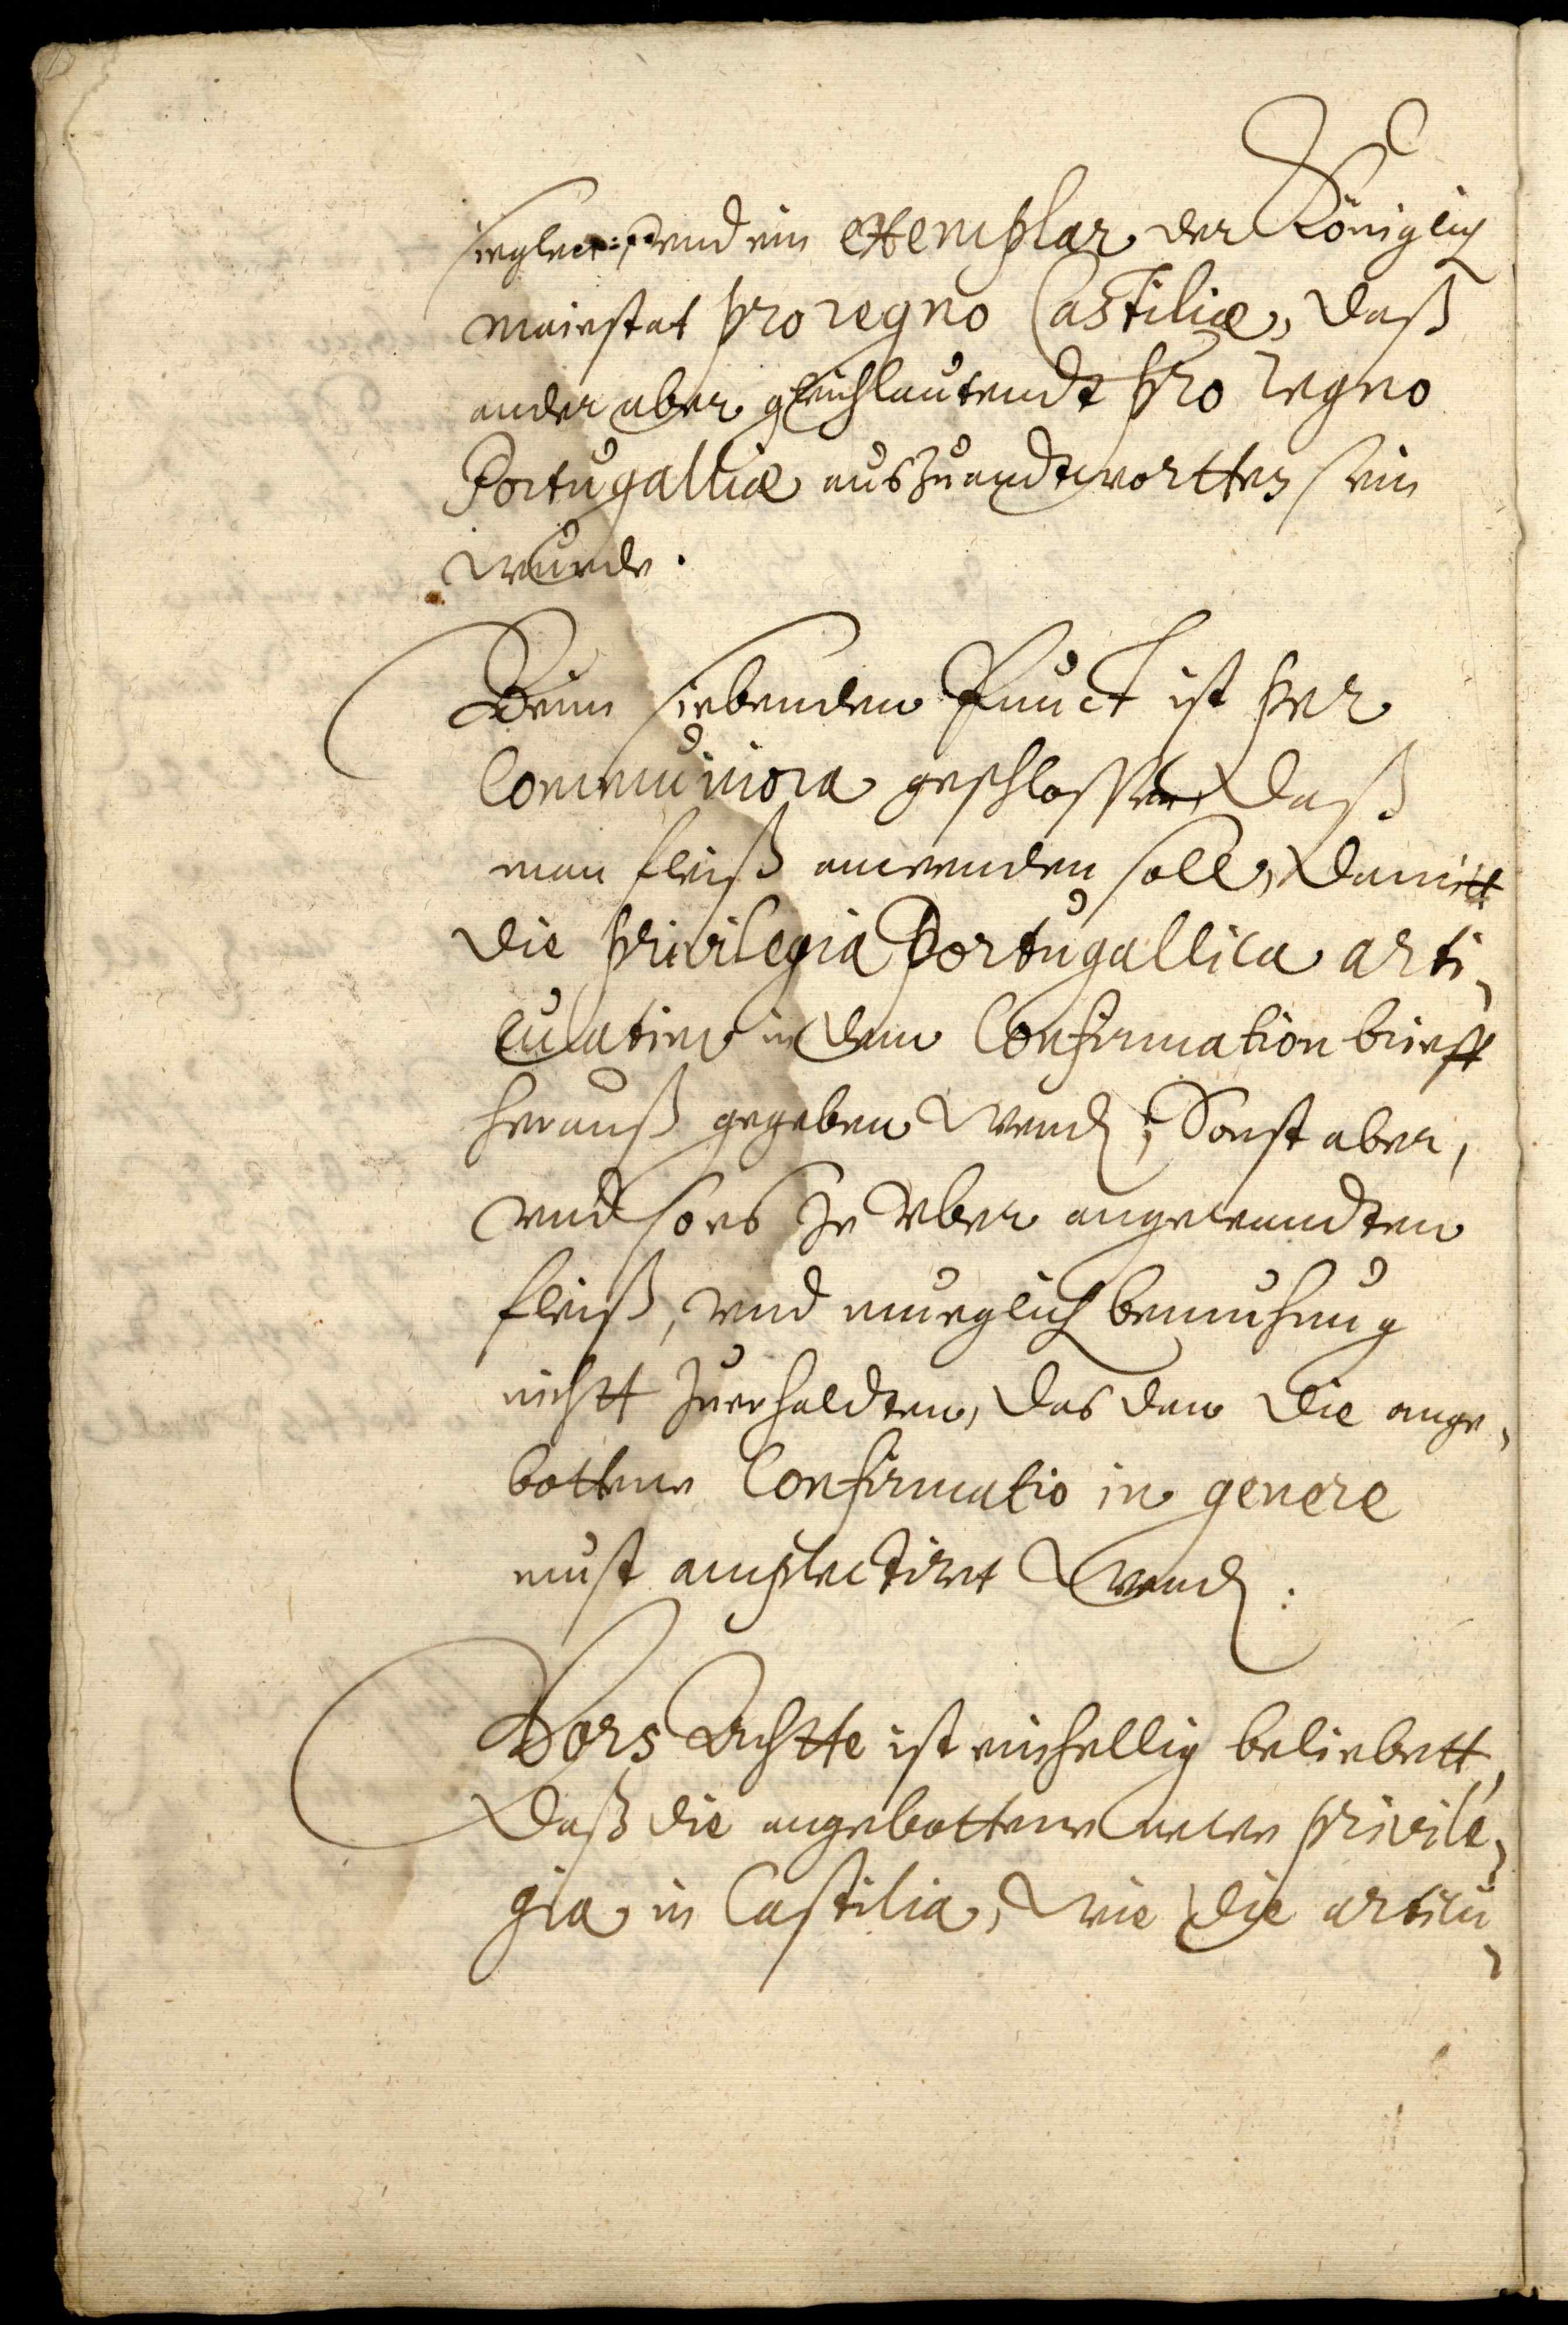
sieglen vnd ein exemplar der Königlichen
maiestat pro regno Castiliae, daß
ander aber gleichlautendt pro regno
Portugalliae aus zu andterorttes sein
wurde.
Beim siebenden Punct ist per
Commuiniora geschlossen, daß
man fleiß anwenden soll, damitt
die privilegia potugallica arti¬
culatim in dem Confirmation brieff
herauß gegeben werden, Sonst aber,
vnd so es in vber angewandtem
fleiß, vnd mueglichen bemuhung
nichtt zu erhaldten, das dan die ange¬
bottene Confirmatio in genere
must amplectiret werden.
Vors Achte ist einhellig beliebett,
daß die angebottene newe privile¬
gia in Castilia,wie die articu¬
